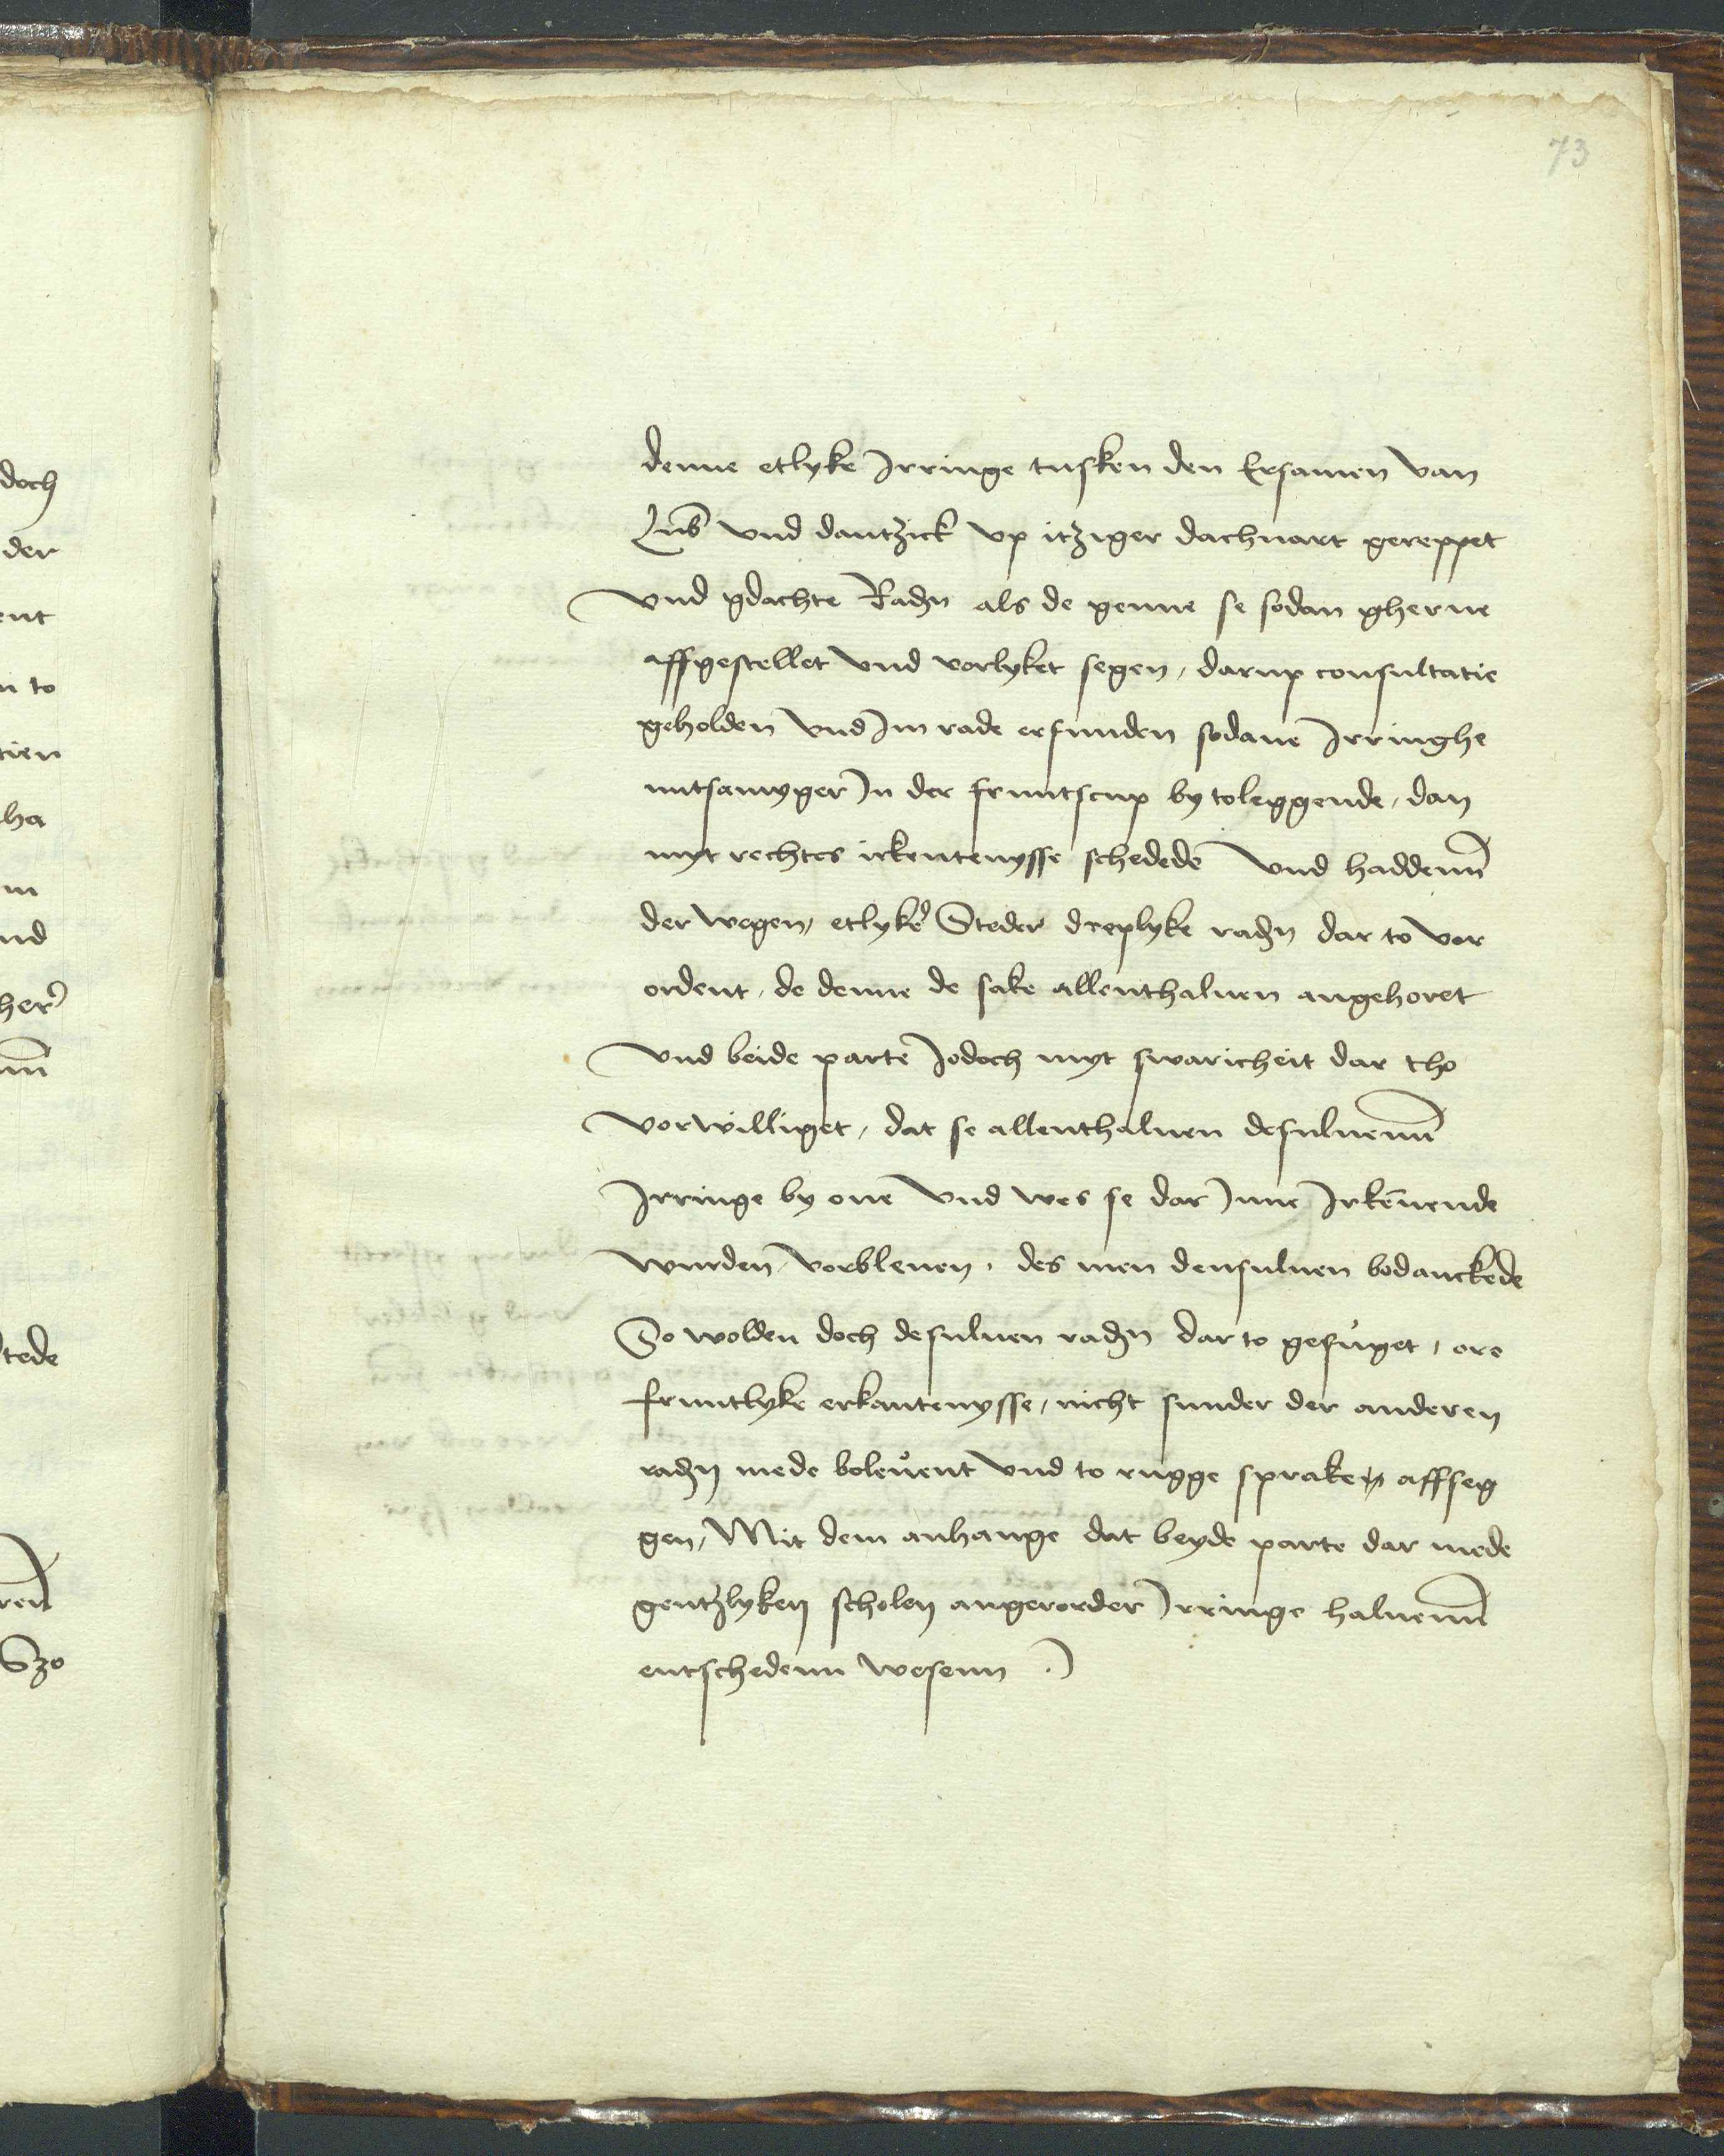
denne etlyke Jrringe tusken den Ersamen van
Lubeck vnd dantzick vp itziger dachuart gereppet
vnd gdachte Radessendebaden als de genne se sodan gherne
affgestellet vnd vorlyket segen, darup consultatie
geholden vnd Jm rade erfunden sodane Jrringhe
nutsamyger Jn der frundschup by toleggende, dan
myt rechtes irkentenysse schedede vnd haddenn
derwegen etlyker Steder dreplyke radessendebaden dar to vor¬
ordent, de denne de sake allenthaluen angehoret
vnd beide parte Jodoch myt swaricheit dar tho
vorwilliget, dat se allenthaluen desuluenn
Jrringe by one vnd wes se dar Jnne Jrkennende
wurden vorbleuenn des men densuluen bodanckede
So wollen doch desuluen radessendebaden dar to gefuget,ore
fruntlyke erkantenysse, nicht sunder der anderen
radessendebaden mede boleuent vnd to rugge spraken affseg¬
gen, Mit dem anhange dat beyde parte dar mede
gentzlyken scholen angerorder Jrringe haluenn
entschedenn wesenn .)
